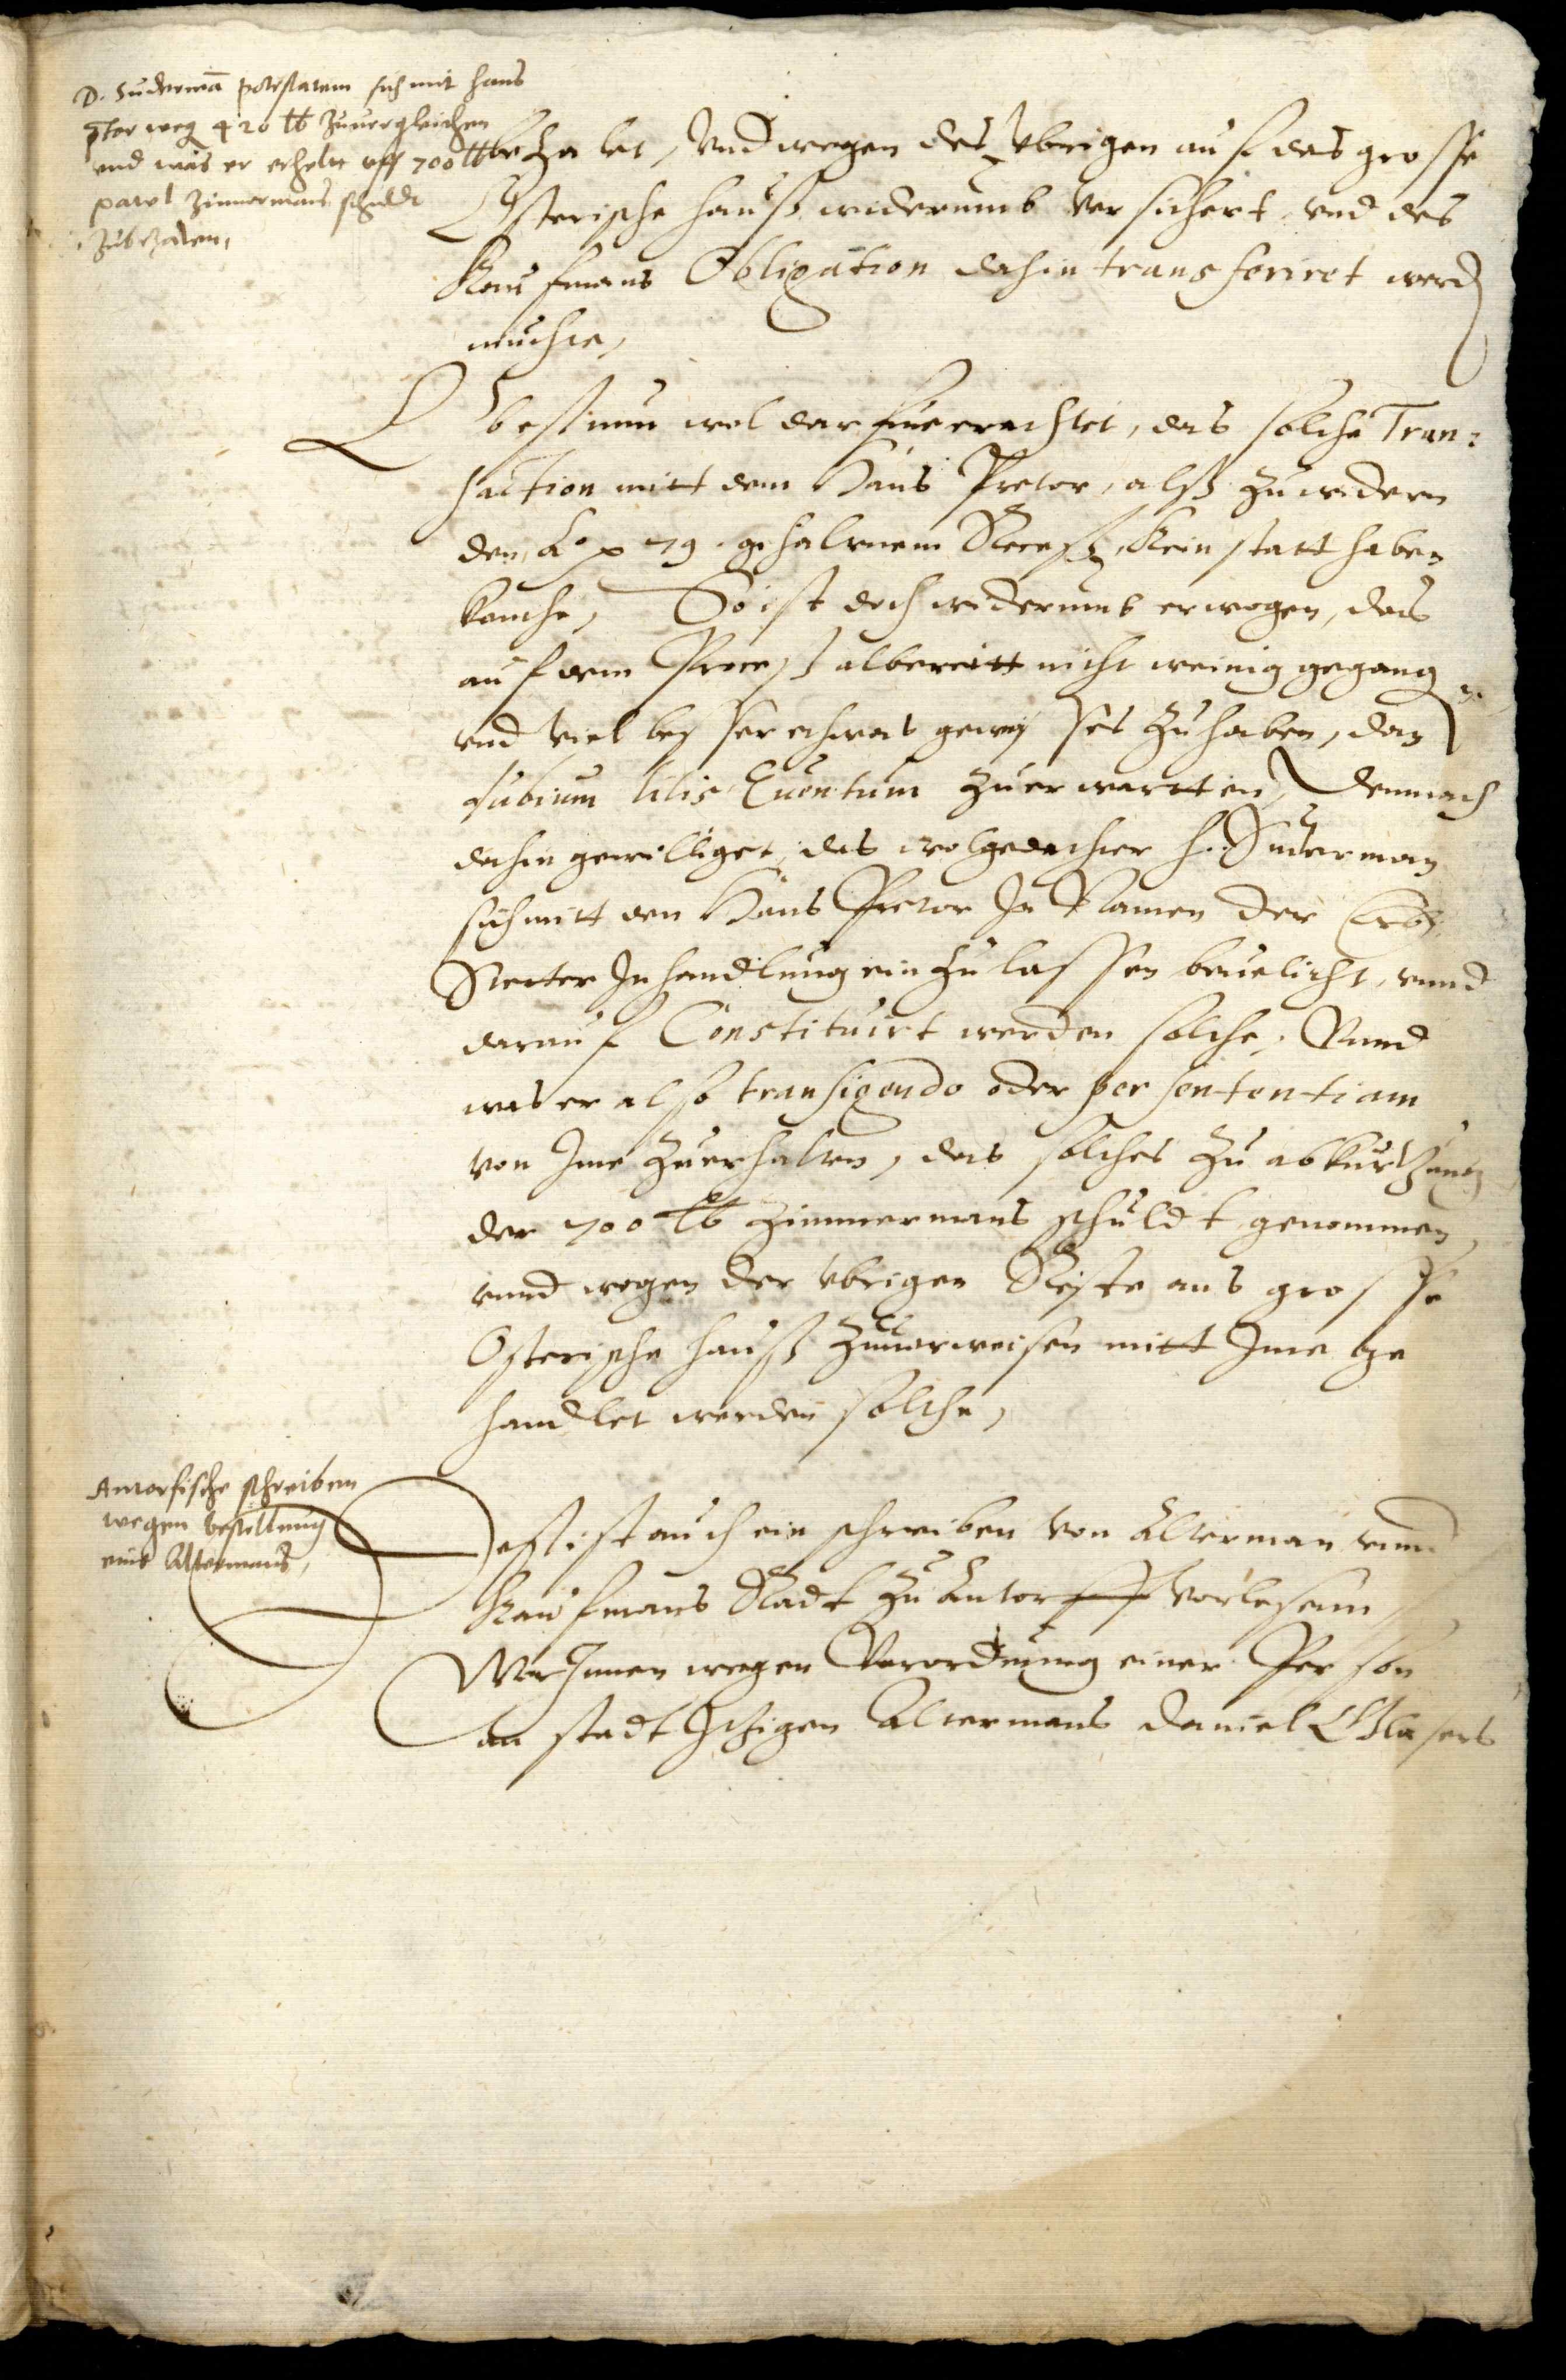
D. Suderman potestatum sich mit haus
pretor wegen 420 lb zuuergleichen
vnd was er erheltt vff 700 lb
Pawl Zimmermans schuldt
zubezalen,
bezalet, vnd wegen des Vbrigen auf des grosse
Osterische hauß widerumb versichert, vnd des
Kaufmans Obligation dahin transferiret werden
muchte,
Ob eß nun wol darfur erachtet, das solche Tran¬
saction mitt dem Haus Pretor, alß zu widern
den Ao p 79. gehaltenem Receßen kein statt haben
konthe, So ist doch widerumb erwogen, das
auf dem Proceß albereitt nicht weinig gegangen
vnd viel besser ethwas gewisses zu haben, dan
dubium lilis Eventum zu erwartten, Demnach
dahin gewilliget, das wolgedachter h. Suderman
sich mitt den Haus Pretor Jn Namen der Erb:
Stetter Jn handlung einzulassen beuelicht, vnnd
darauf Constituirt werden solthe, Vnnd
was er also transigendo oder per sententiam
von Jme zuerhalten, das solches zu abkurtzung
der 700 lb Zimmermans schuldt genommen,
vnnd wegen der vbrigen Reste ans grosse
Osterische hauß zuuorweisen mitt Jme ge
handlet werden solthe,
Antorfische schreiben
wegen bestellung
eins Altermans,
Deß ist auch ein schreiben von Alterman vnnd
Kaufmans Radt zu Antorff vorlesenn,
Wor Jnnen wegen Verordnung einer Person
an stedt Jtzigen Altermans Daniel Glasers
